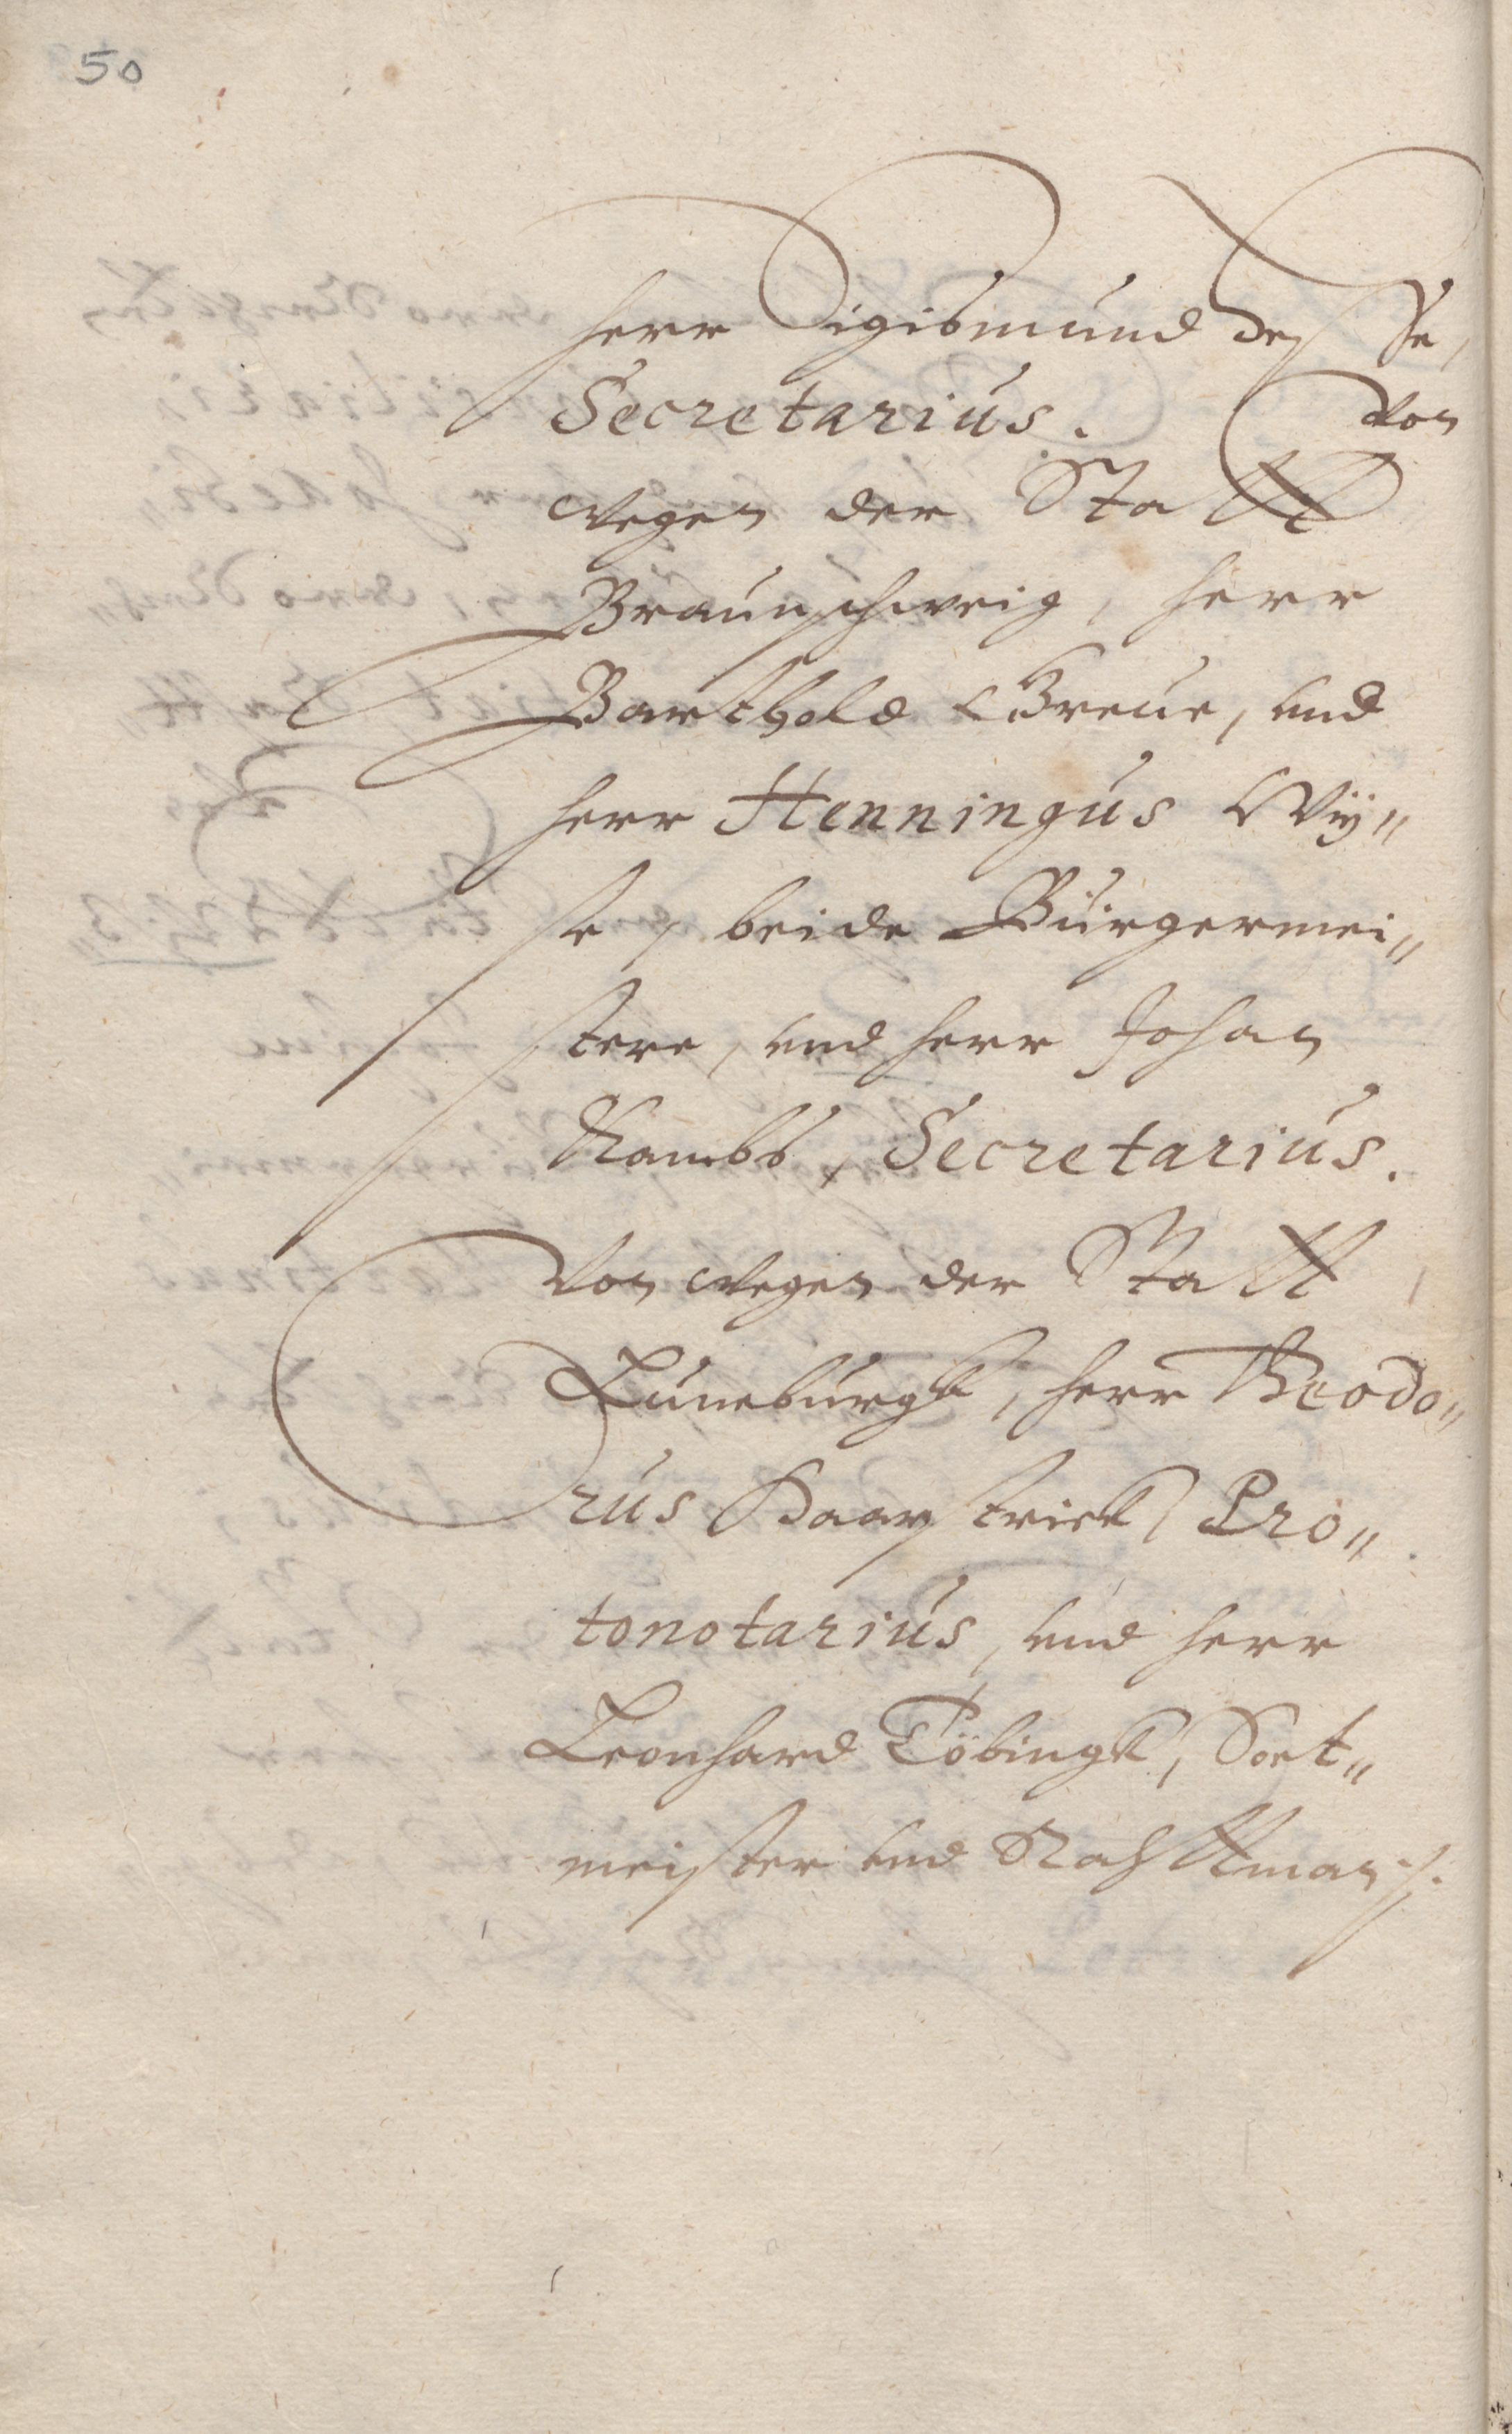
herr Sigismund Hesse,
Secretarius. Von
wegen der Statt
Braunschweig, herr
Barthold Greue, vnd
herr Henningus Wij¬
se, beide Bürgermei¬
stere, vnd herr Johan
Kambs, Secretarius.
Von wegen der Statt
Luneburgk, herr Theodo¬
rus Haarstrick, Pro¬
tonotarius, vnd herr
Leonhard Töbingk, Soet¬
meister vnd Rahttman./.
